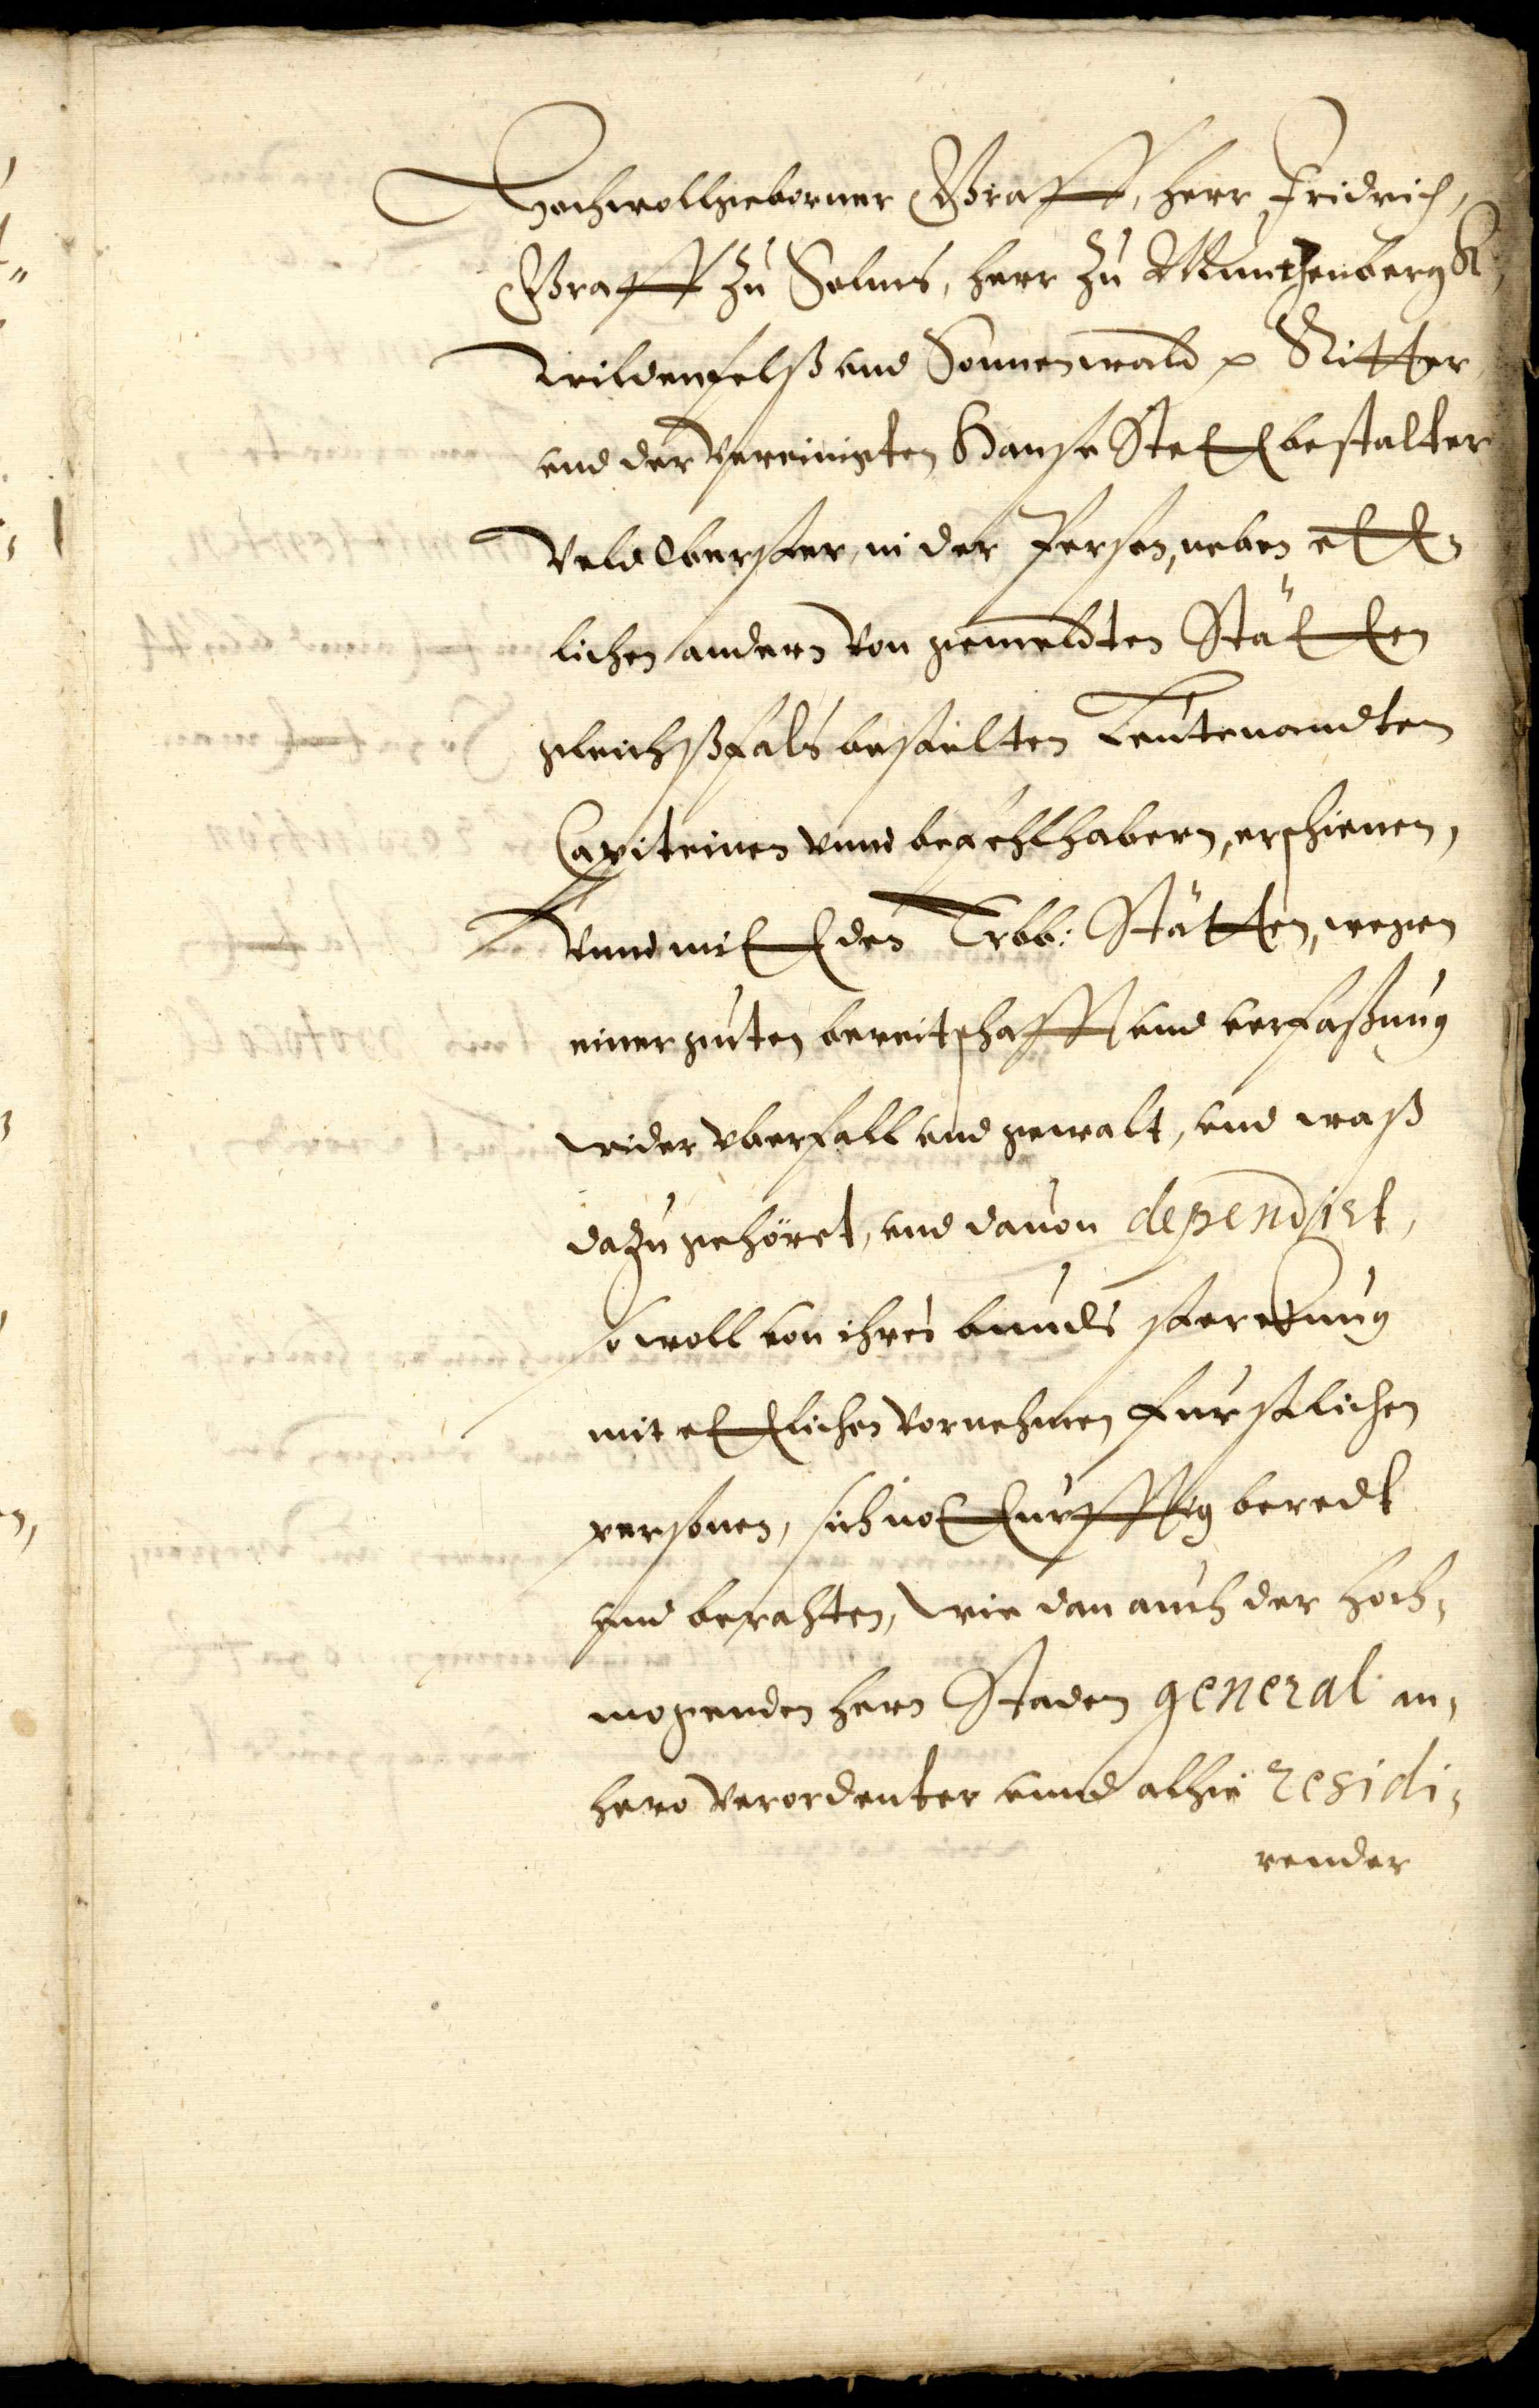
Hochwollgeborner Graff, herr Friedrich,
Graff Zu Solms, herr Zu Muntzenbergk,
Wildenfelß vnd Sonnenwald p Ritter
vnd der Vereinigten HanseStatt bestalter
VeldOberster, in der Person, neben ett¬
lichen andern Von gemeldten Stätten
gleichßfals bestelten Leutenandten
Capiteinen vnnd befehlhabern, erschienen,
Vnnd mitt den Erbb: Stätten, wegen
einer guten bereitschafft vnd verfaßung
wider vberfall vnd gewalt, vnd waß
daZu gehört, vnd dauon dependirt,
so woll von ihres bunds sterckung
mitt ettlichen Vornehmen furstlichen
personen, sich notturfftig beredt
vnd berahten, wie dan auch der hoch¬
mogenden hern Staden general an¬
hero Verordenter vnnd alhie residi¬
render
